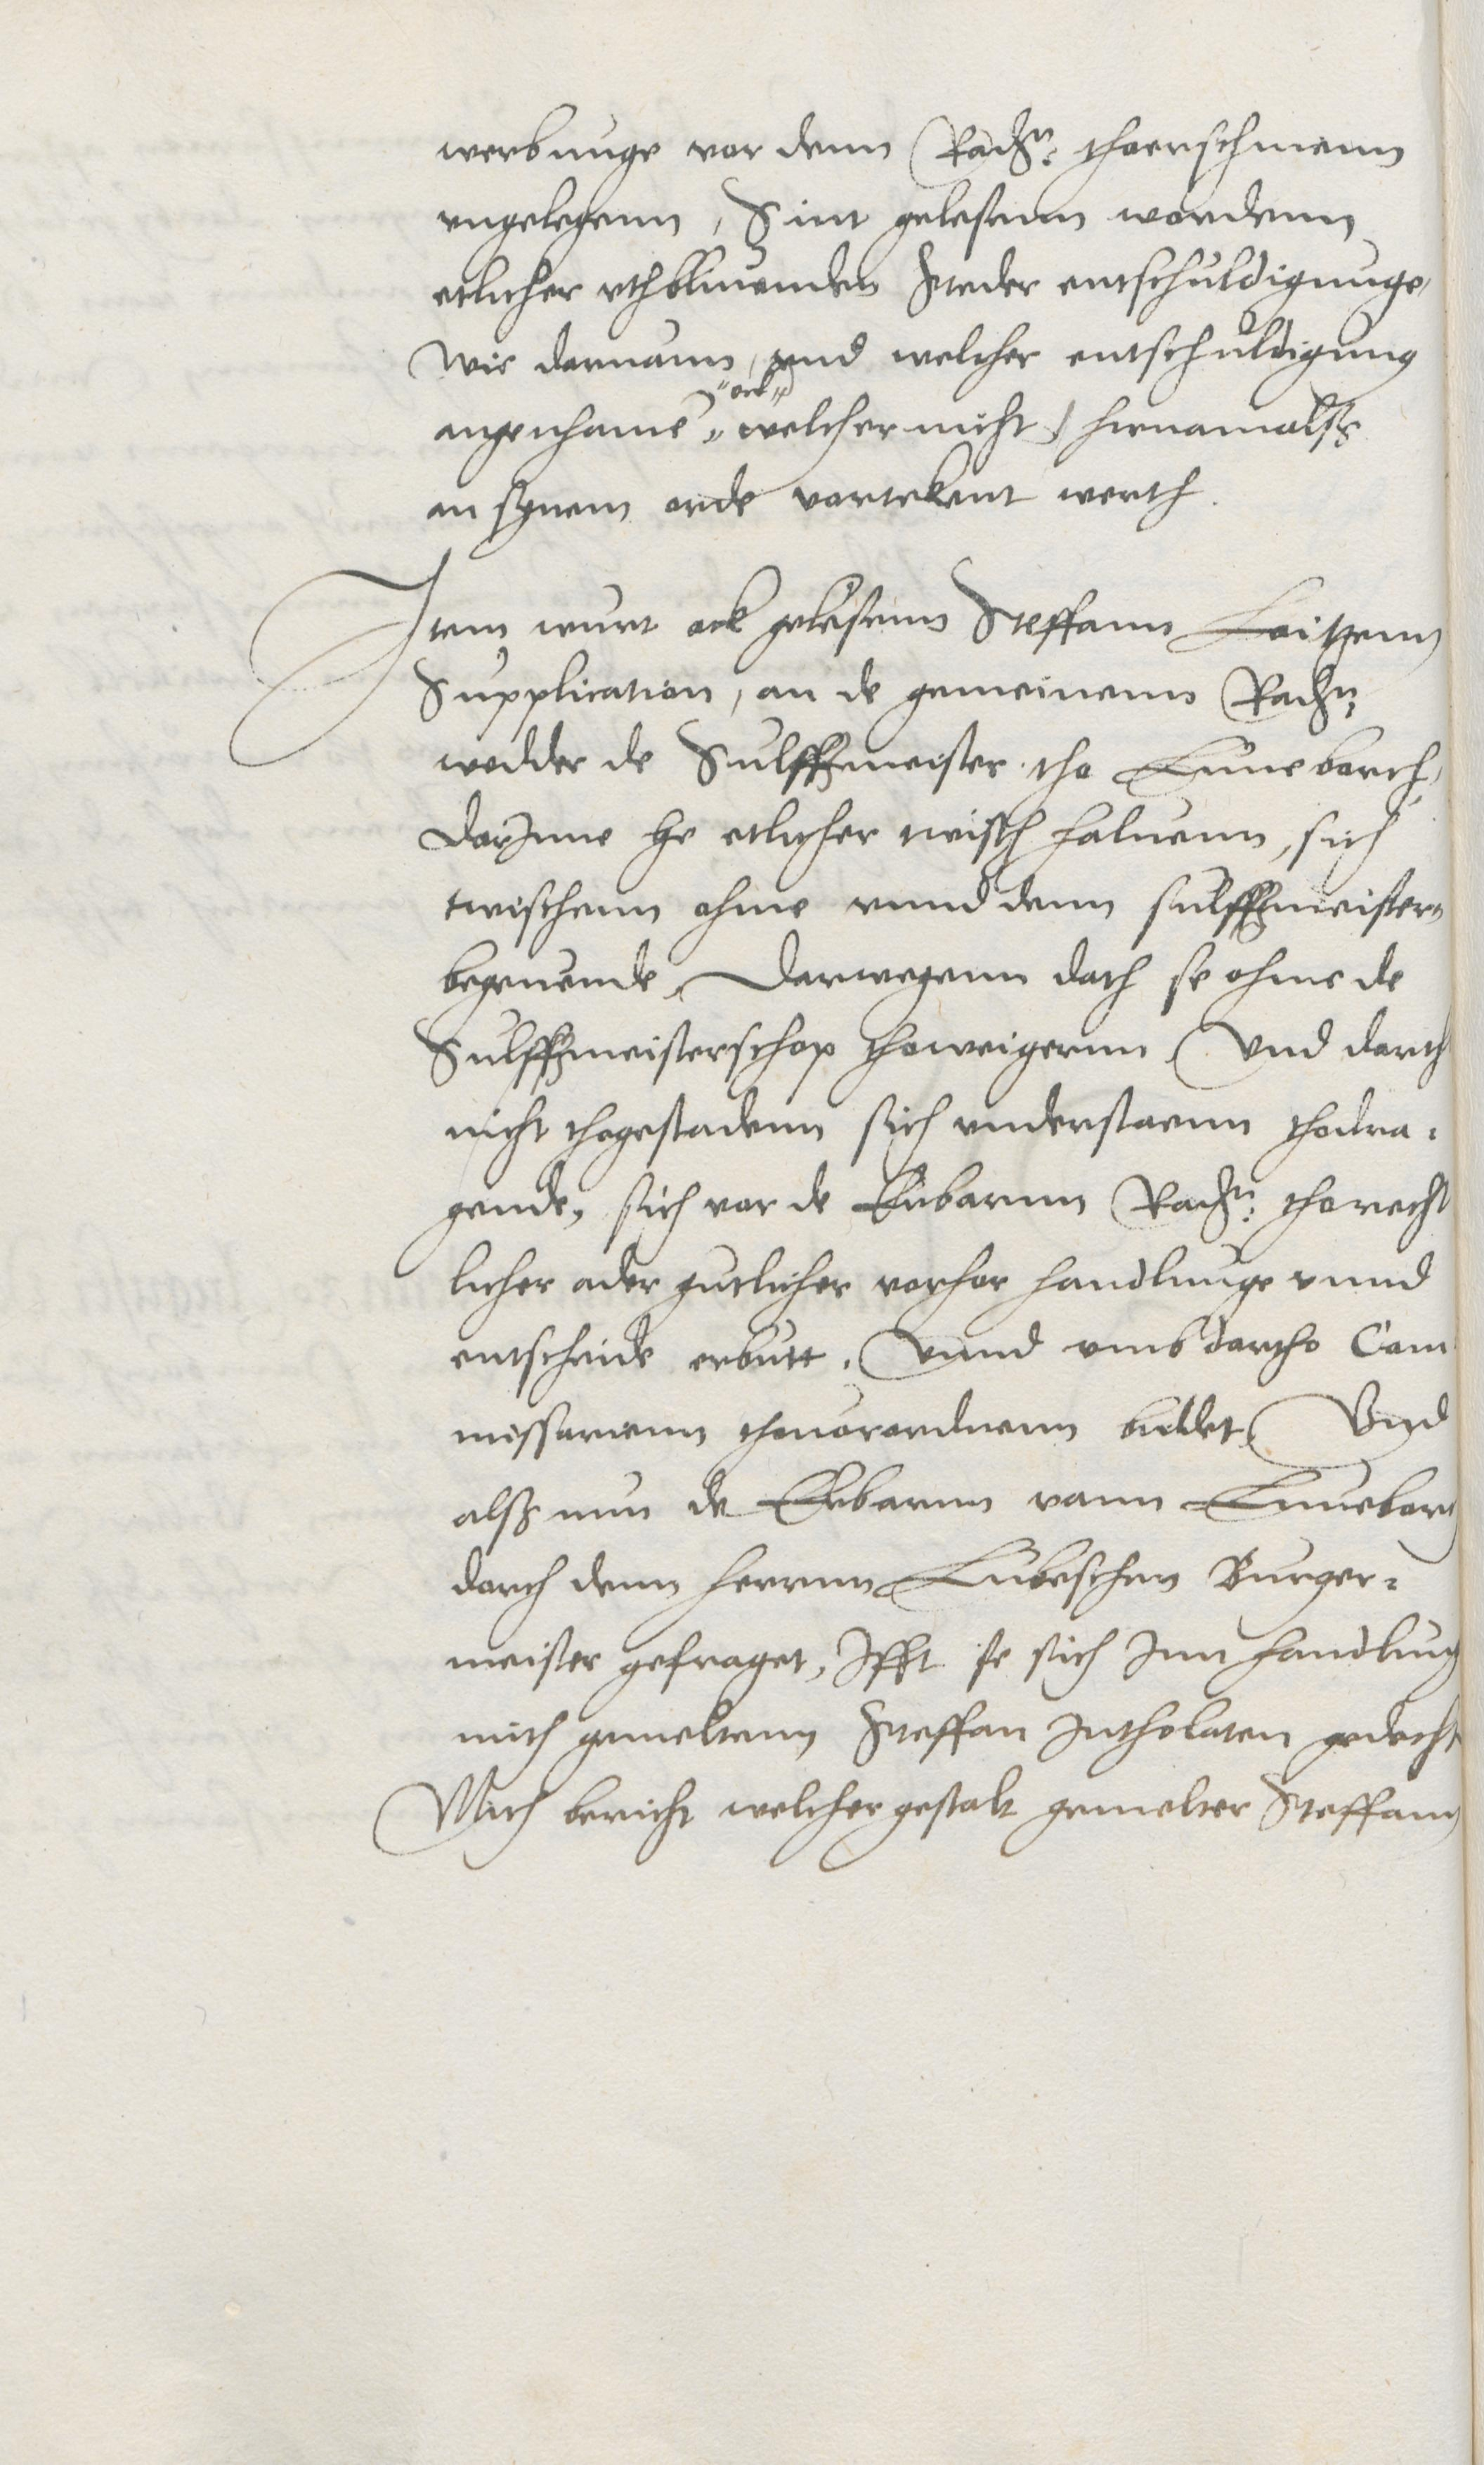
werbunge vor denn Radessendeboden thoerschinenn
vngelegenn, Sint gelesenn wordenn
etlicher vthbliuenden Steder entschuldigunge,
Wie daruann, vnd welcher entschuldigung
angenhamen ock welcher nicht, hirnamalß
an synem orde vortekent werth
Item wurt ock gelesenn Steffann Loitzenn
Supplication, an de gemeinenn Radessendeboden
wedder de Sulffmeister tho Luneborch,
Darjnne He etlicher twisth haluenn, sich
twischenn ohme vnnd dem sulffmeistern
begeuende Darwegenn dath se ohme de
Sulffmeisterschop thoweigernn Vnd darth
nicht thogestadenn sich vnderstaenn thodra¬
gende, sich vor de Erbarnn Radessendeboden thorecht¬
licher ader gutlicher vorhor handlunge vnnd
entscheide erbutt. Vnnd vmb dartho Com¬
missarienn thouorordnenn biddet Vnd
alß nun de Erbarnn vann Luneborch
dorch denn herrnn Lubeschen Burger¬
meister gefraget, jfft se sich jnn handlung
mith gemeltenn Steffan jntholaten gedecht
Mith bericht welcher gestalt gemelter Steffann
